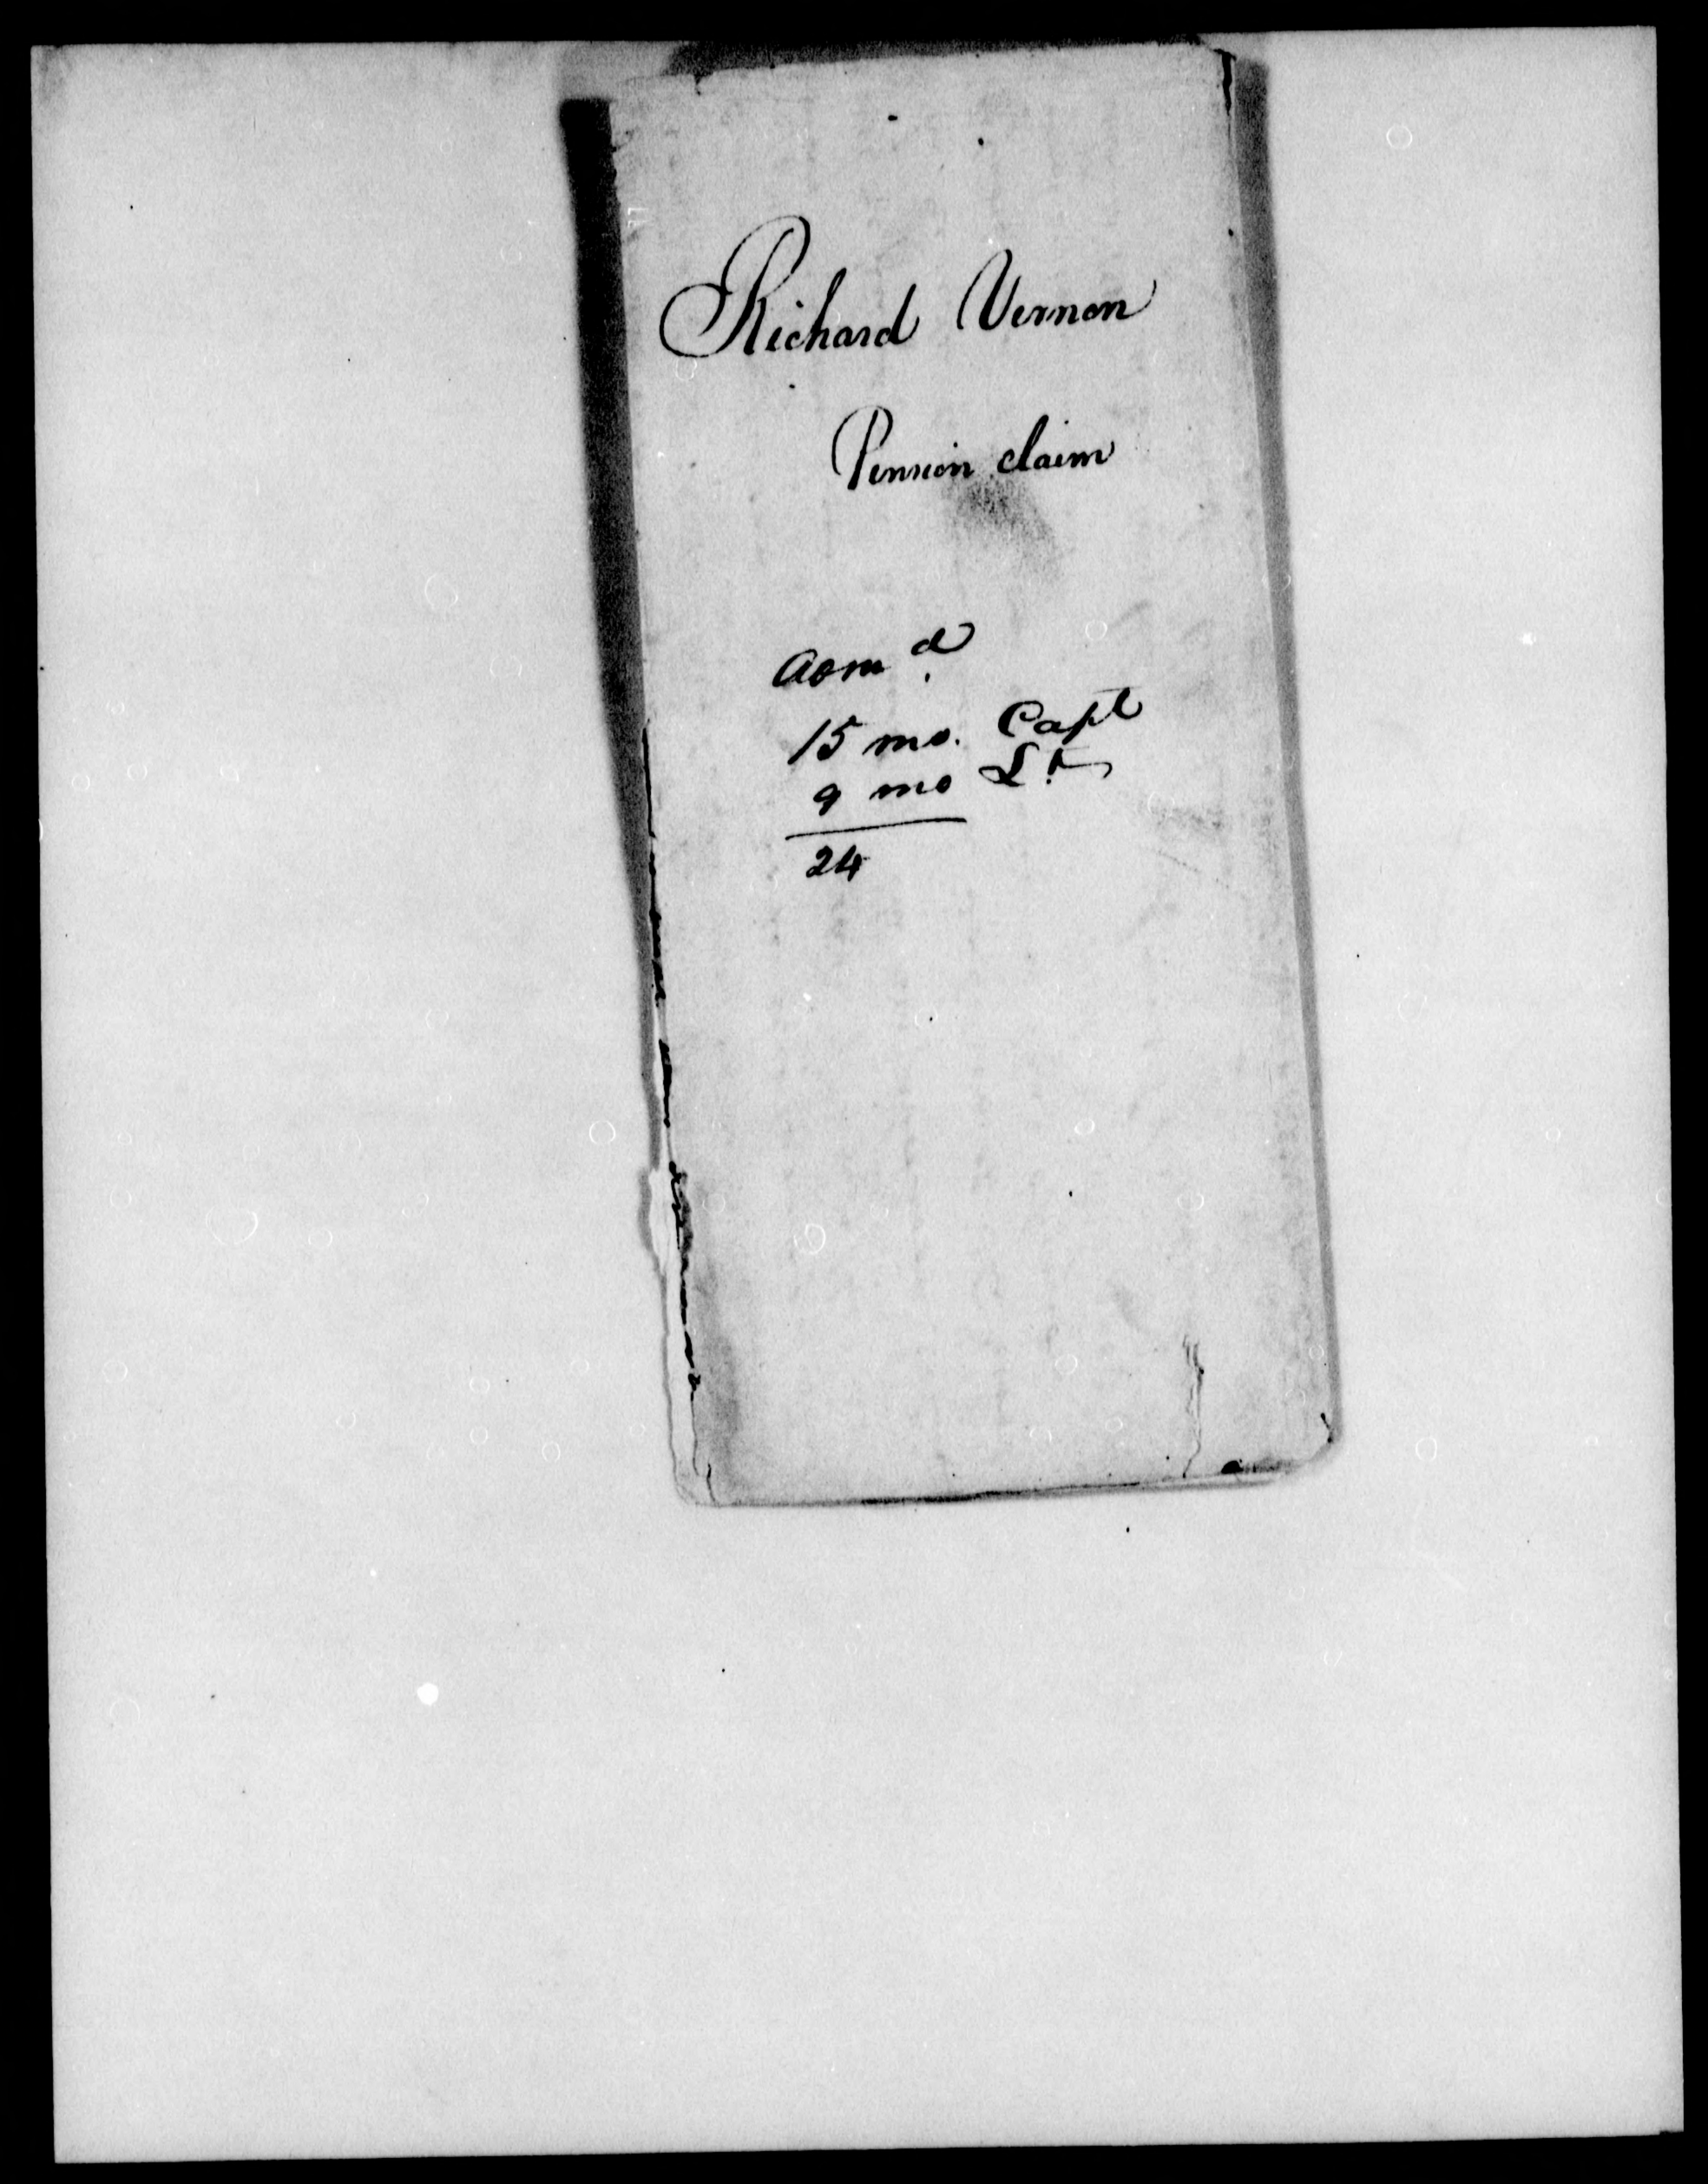Richard Vernon
Pension Claim
aomd.
15 mo. Capt.
9 mo. Lt.
2
4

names: Richard Vernon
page: 6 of 105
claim: survivor's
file: S. 1883, Richard Vernon, N.C.